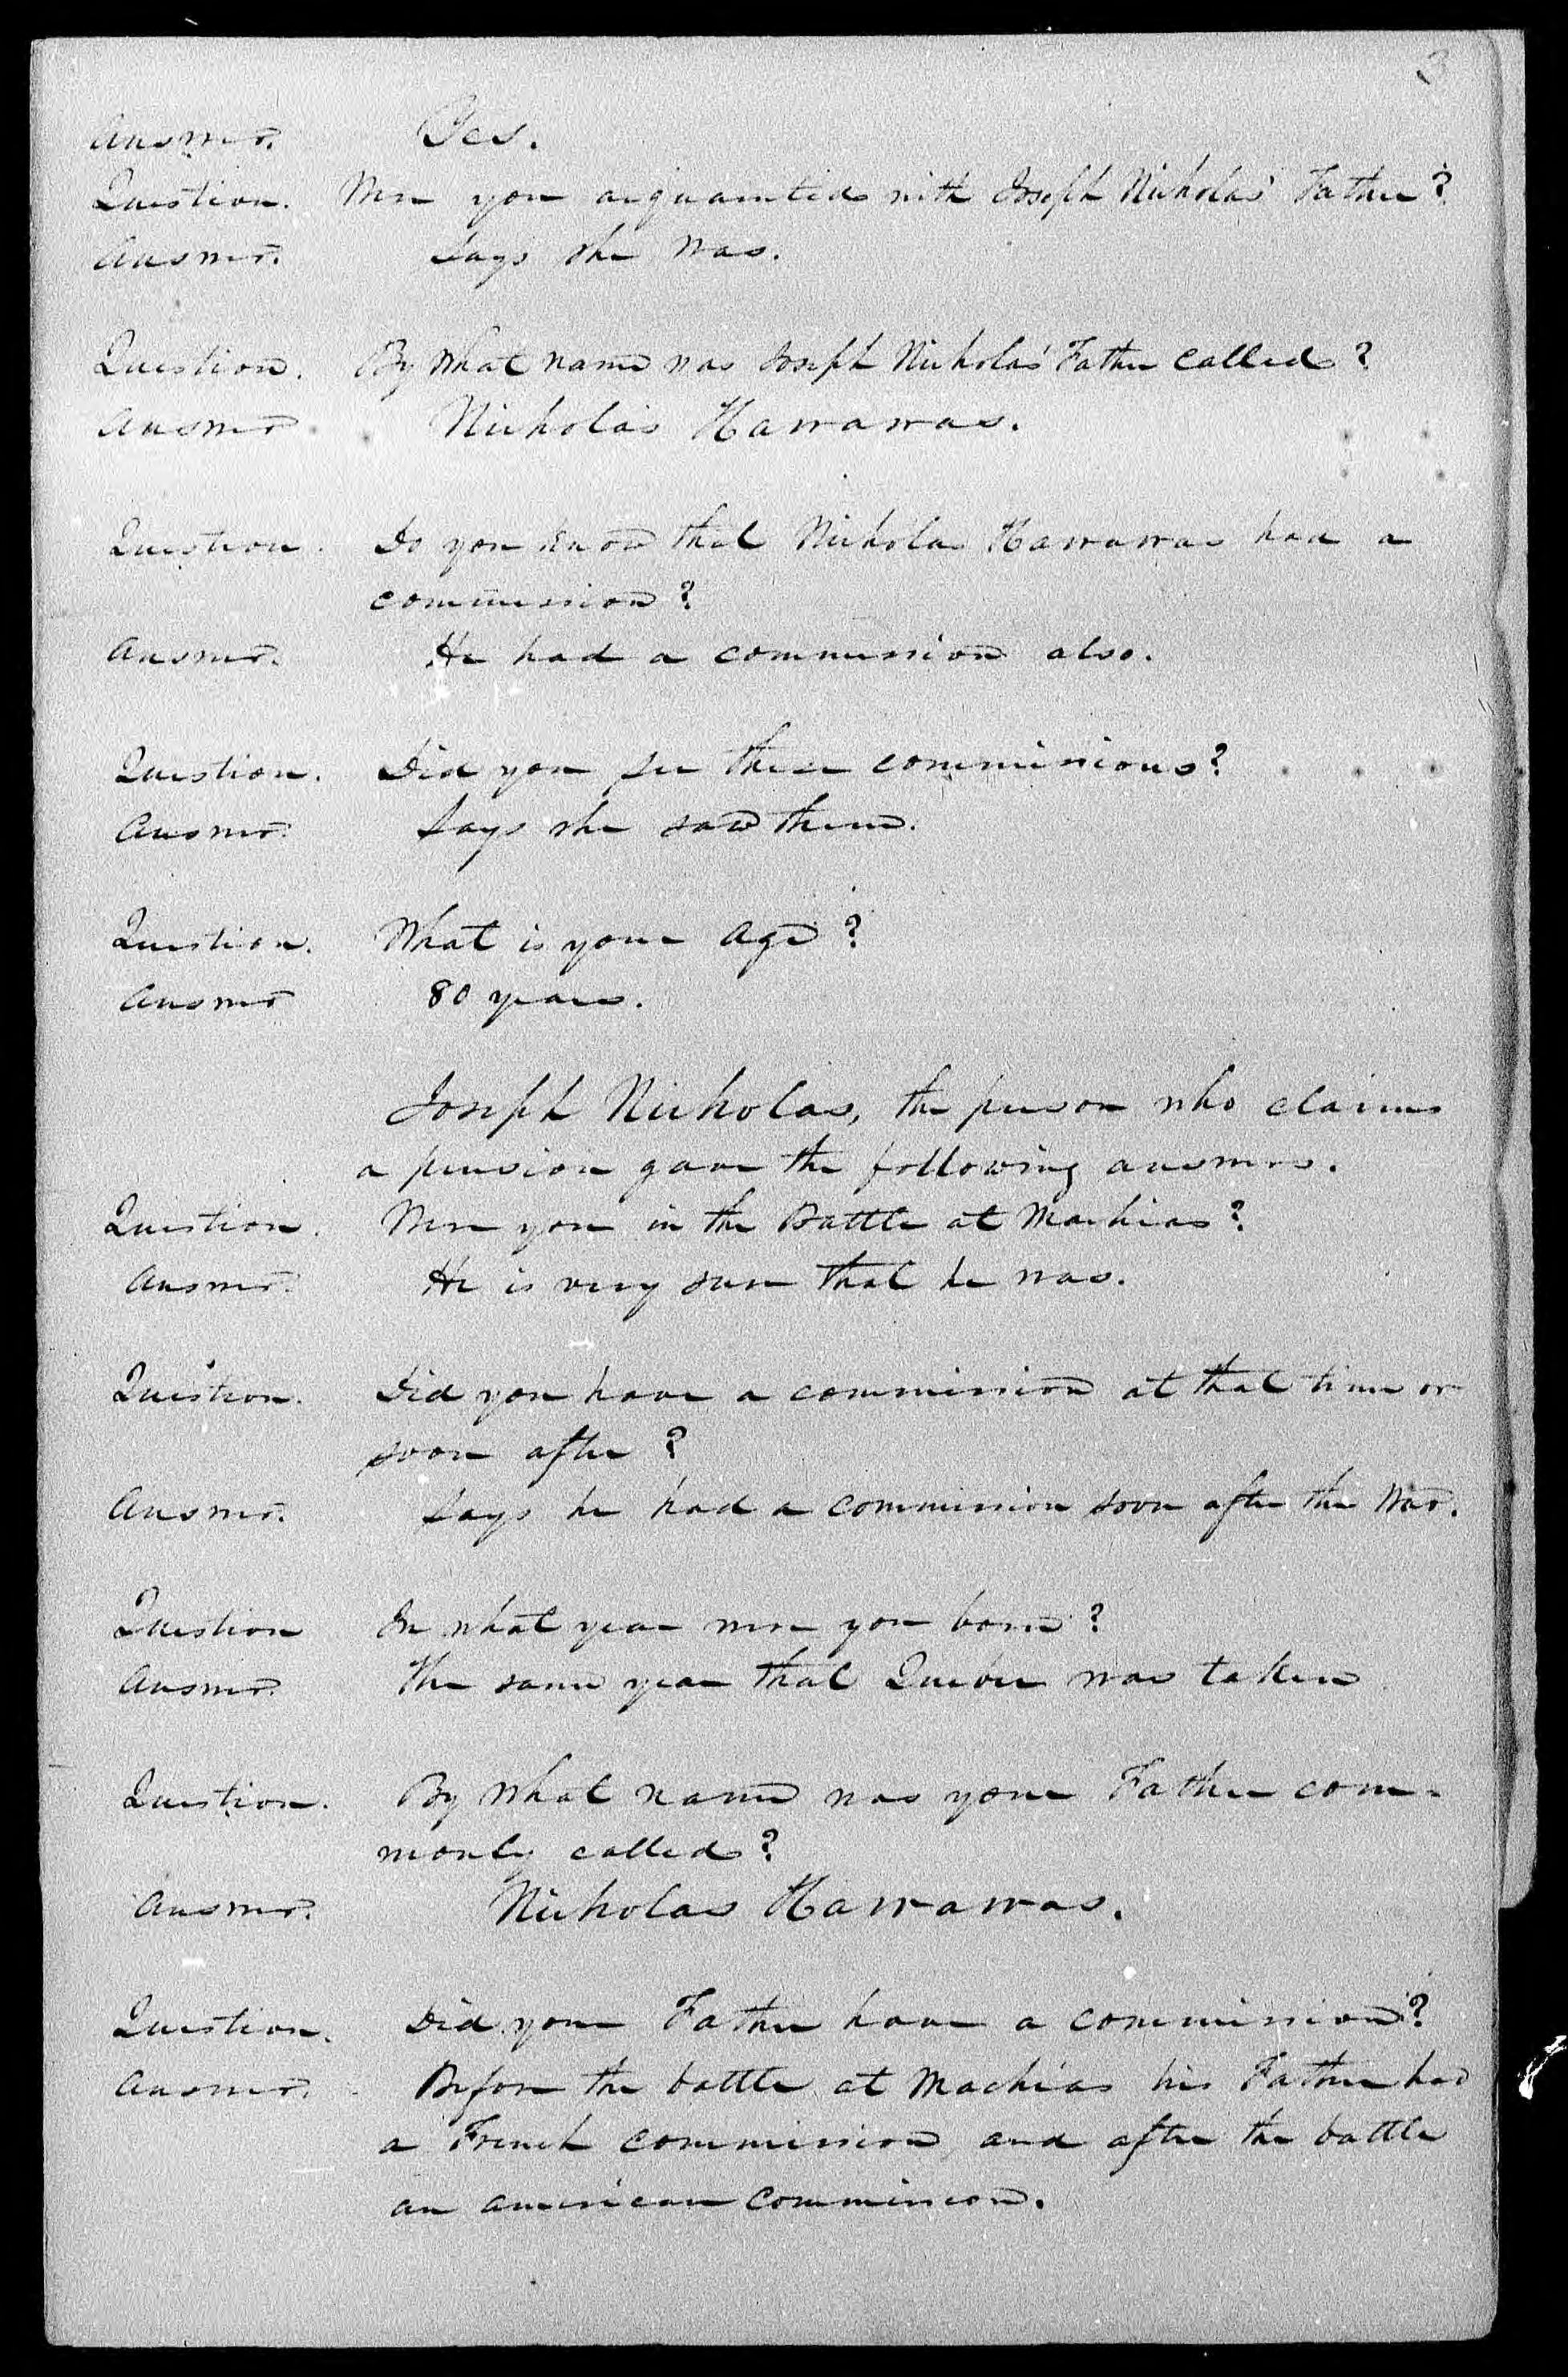Answer. Yes.
Question. Were you acquainted with Joseph Nicholas' Father?
Answer. Says she was.

Question. By what name was Joseph Nicholas' Father called?
Answer. Nicholas Hawawas.

Question. Do you know that Nicholas Hawawas had a
commission?
Answer. He had a commission also.

Question. Did you see these commissions?
Answer. Says she saw them.

Question. What is your age?
Answer 80 years.

Joseph Nicholas, the person who claims
a pension gave the following answers.
Question. Were you in the Battle at Machias?
Answer. He is very sure that he was.

Question. Did you have a commission at that time or
soon after?
Answer. Says he had a commission soon after the war.

Question In what year were you born?
Answer. The same year that Quebec was taken

Question. By what name was your Father com=
monly called?
Answer. Nicholas Hawawas.

Question. Did your Father have a commission?
Answer. Before the battel at Machias his Father had
a French commission and after the battle
and american commission.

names: Joseph Nicholas, Nicholas Hawawas, Nicholas Hawawas, Joseph Nicholas, Joseph Nicholas, Nicholas Hawawas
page: 12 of 52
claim: survivor's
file: S 17997, Nicholas Hawwawas, Mass.